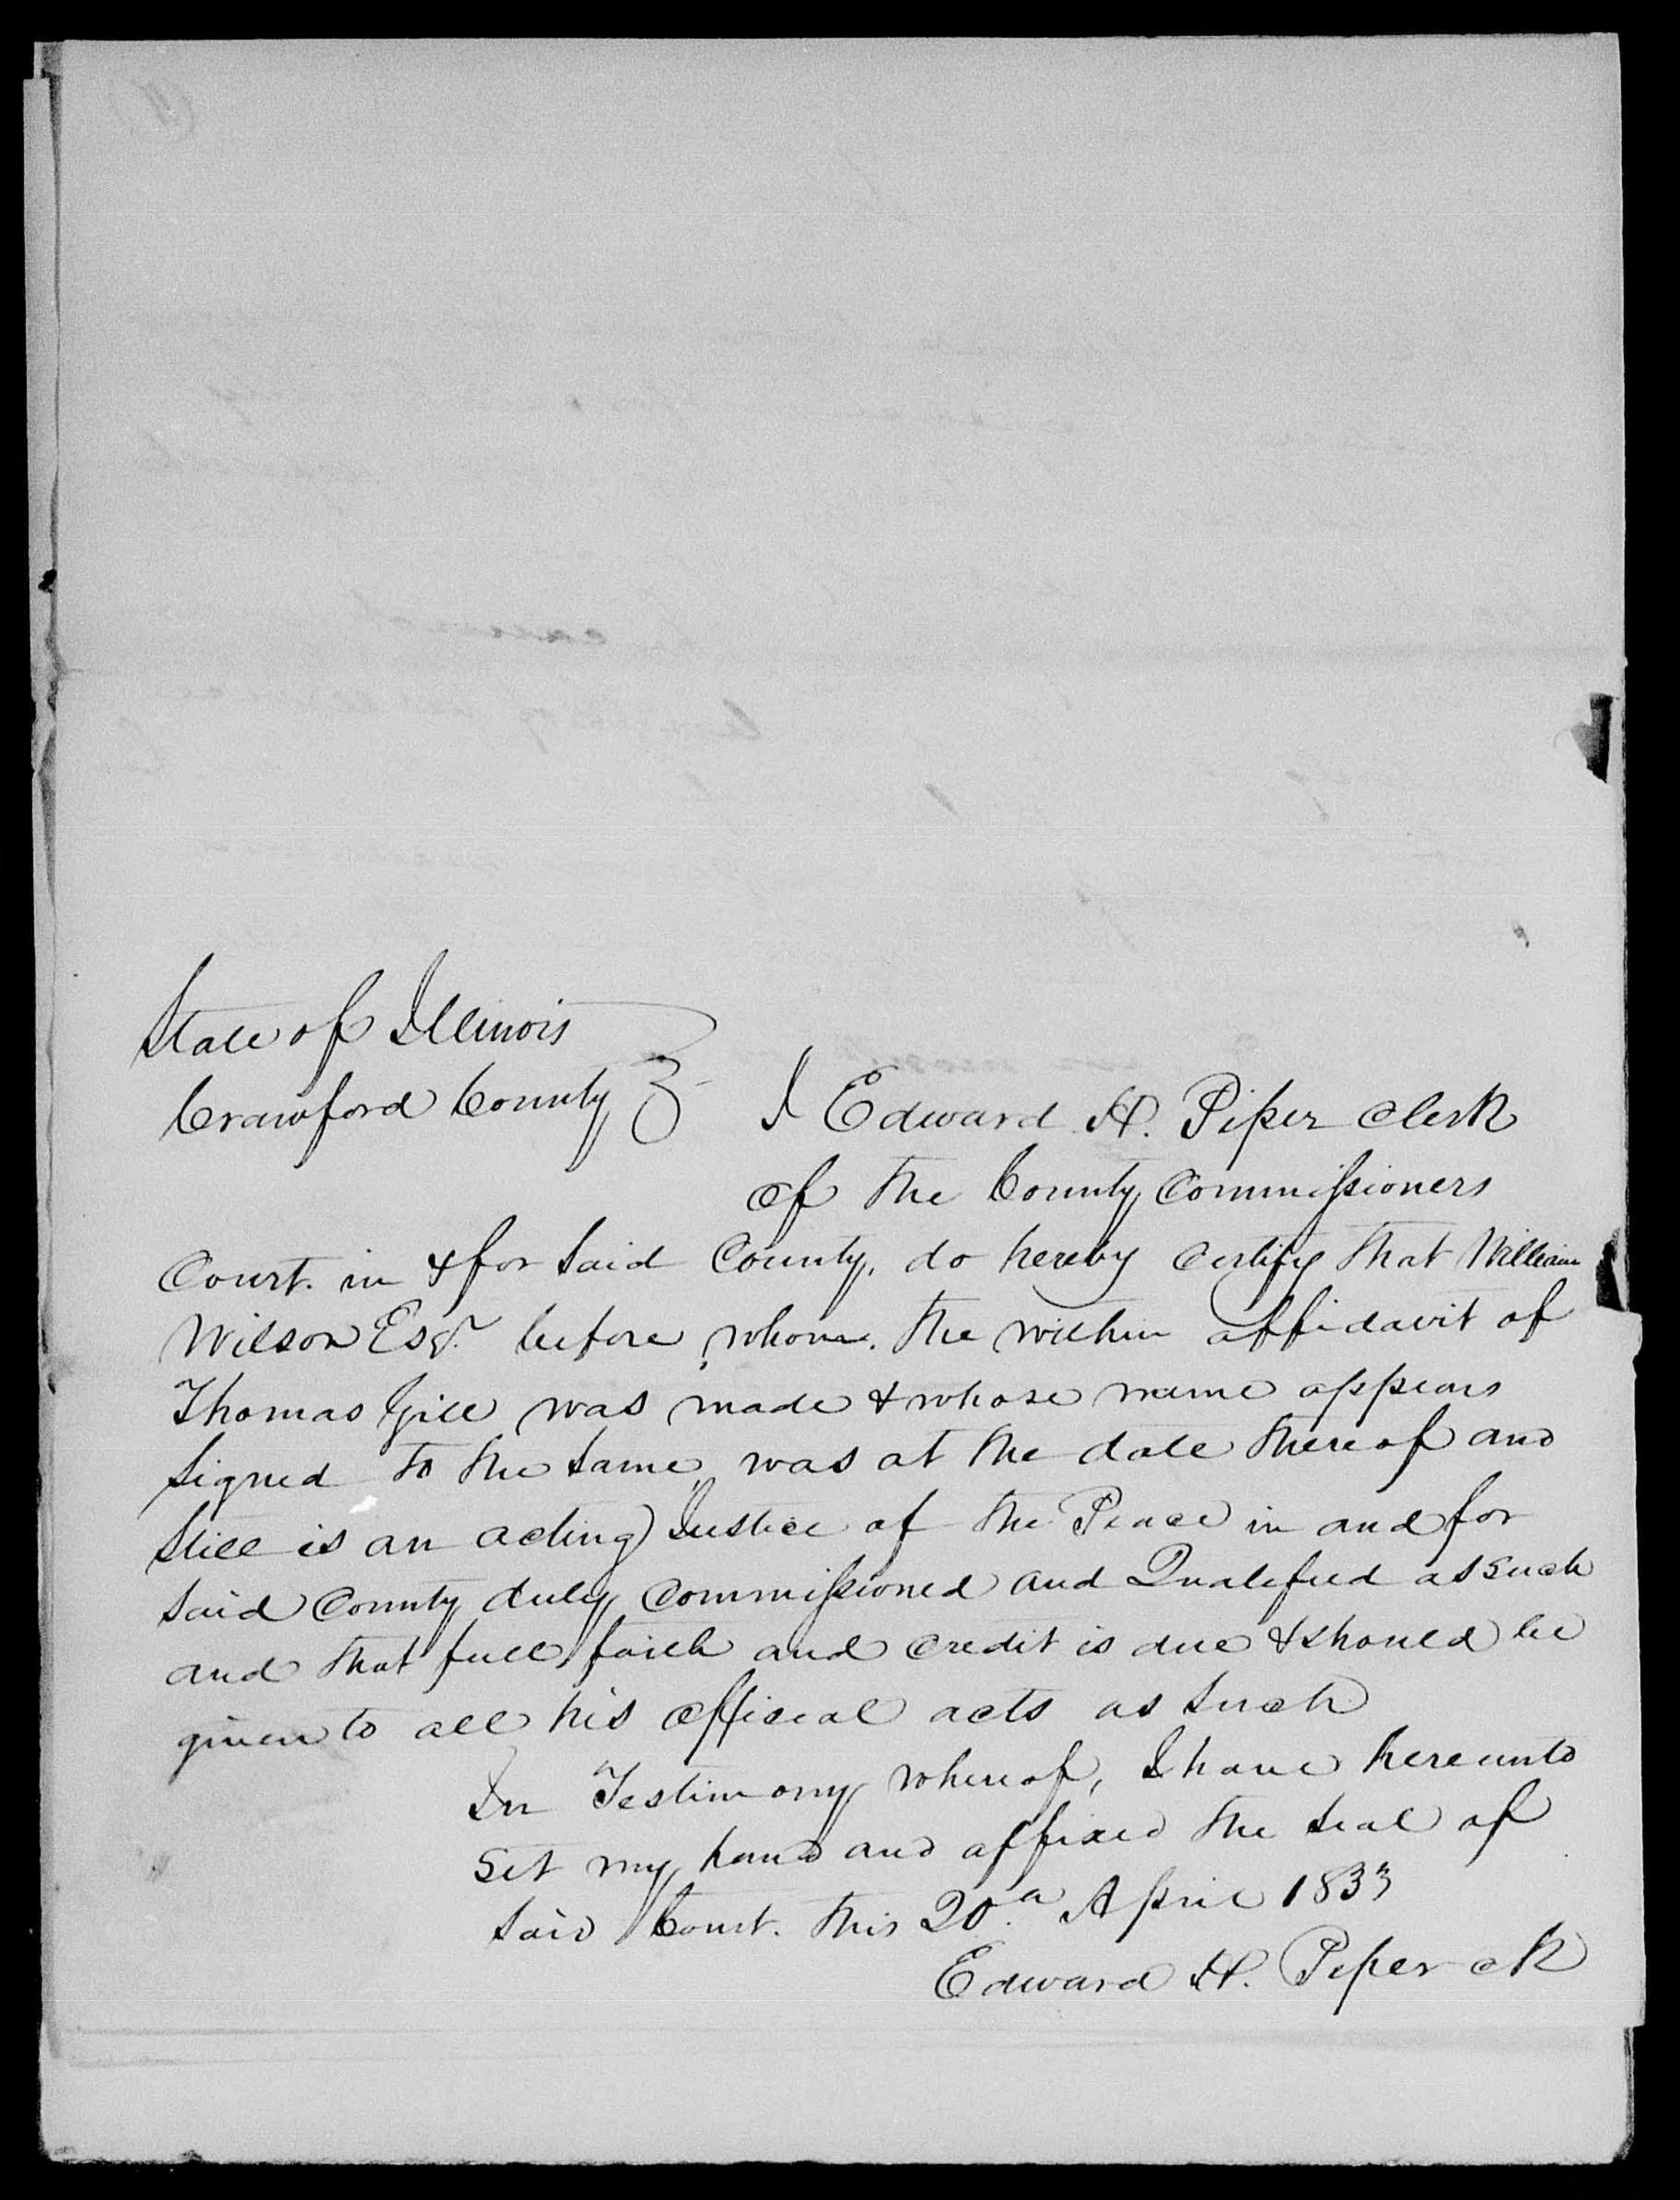State of Illinois Crawford County 
 I Edward H Piper clerk of the County Commissioner's Court  in & for said County do hereby certify  that  William Wilson  Esq. before whom the  within affidavit of Thomas Gill was made & whose name appears signed to the same was at the date thereof and still is an acting Justice of the peace in and for said County duly commissioned and qualified  as such and that full faith and credit is due  & should be given to all is official acts as such . In testimony whereof I have hereunto set my hand  and affixed the seal of said Court  this 20th April  1833. Edward H Piper ( signed /sealed ) clk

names: Edward H Piper, Thomas Gill, William Wilson, Edward H Piper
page: 15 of 44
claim: survivor's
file: S. 31,061, Thomas Gill, S.C.